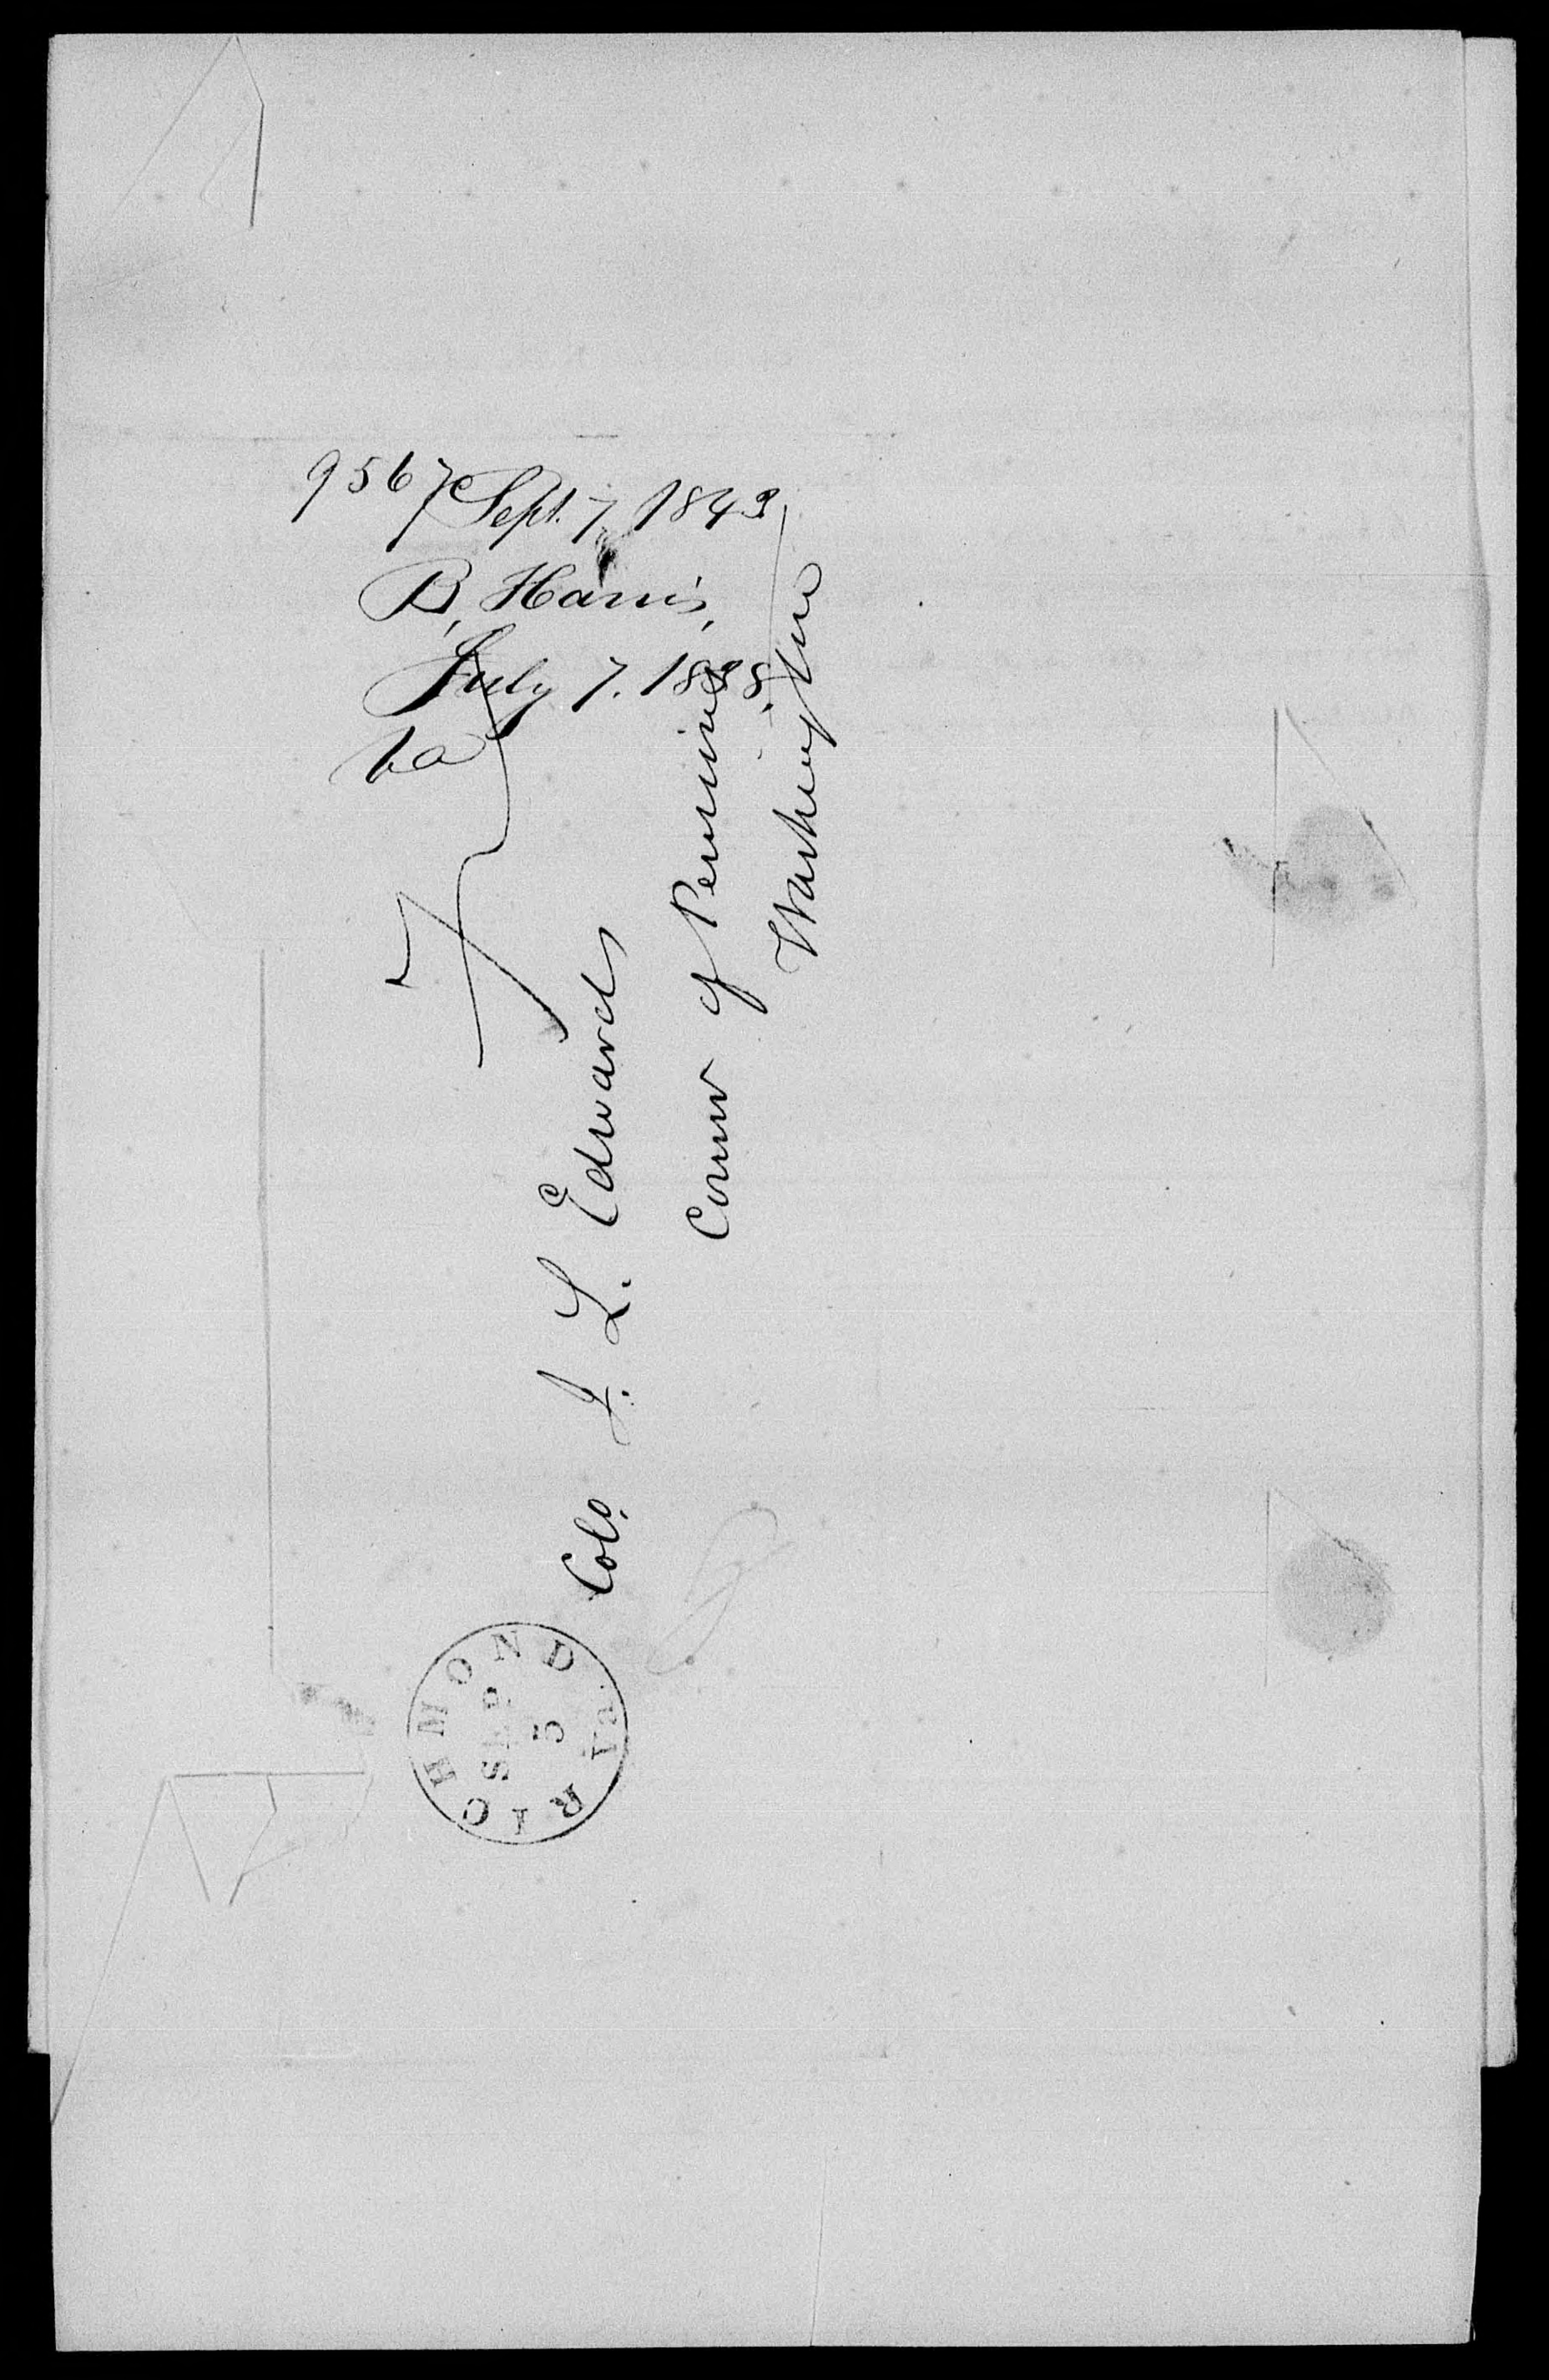956 Sept 1843 
B Harris July  7.1838 Va  

J. L. Edwards Com of Pensions Washington

[postmark: RICHMOND VA SEP 5]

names: B Harris, J L Edwards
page: 43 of 62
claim: survivor's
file: S. 38816, Benjamin Harris, Mass.